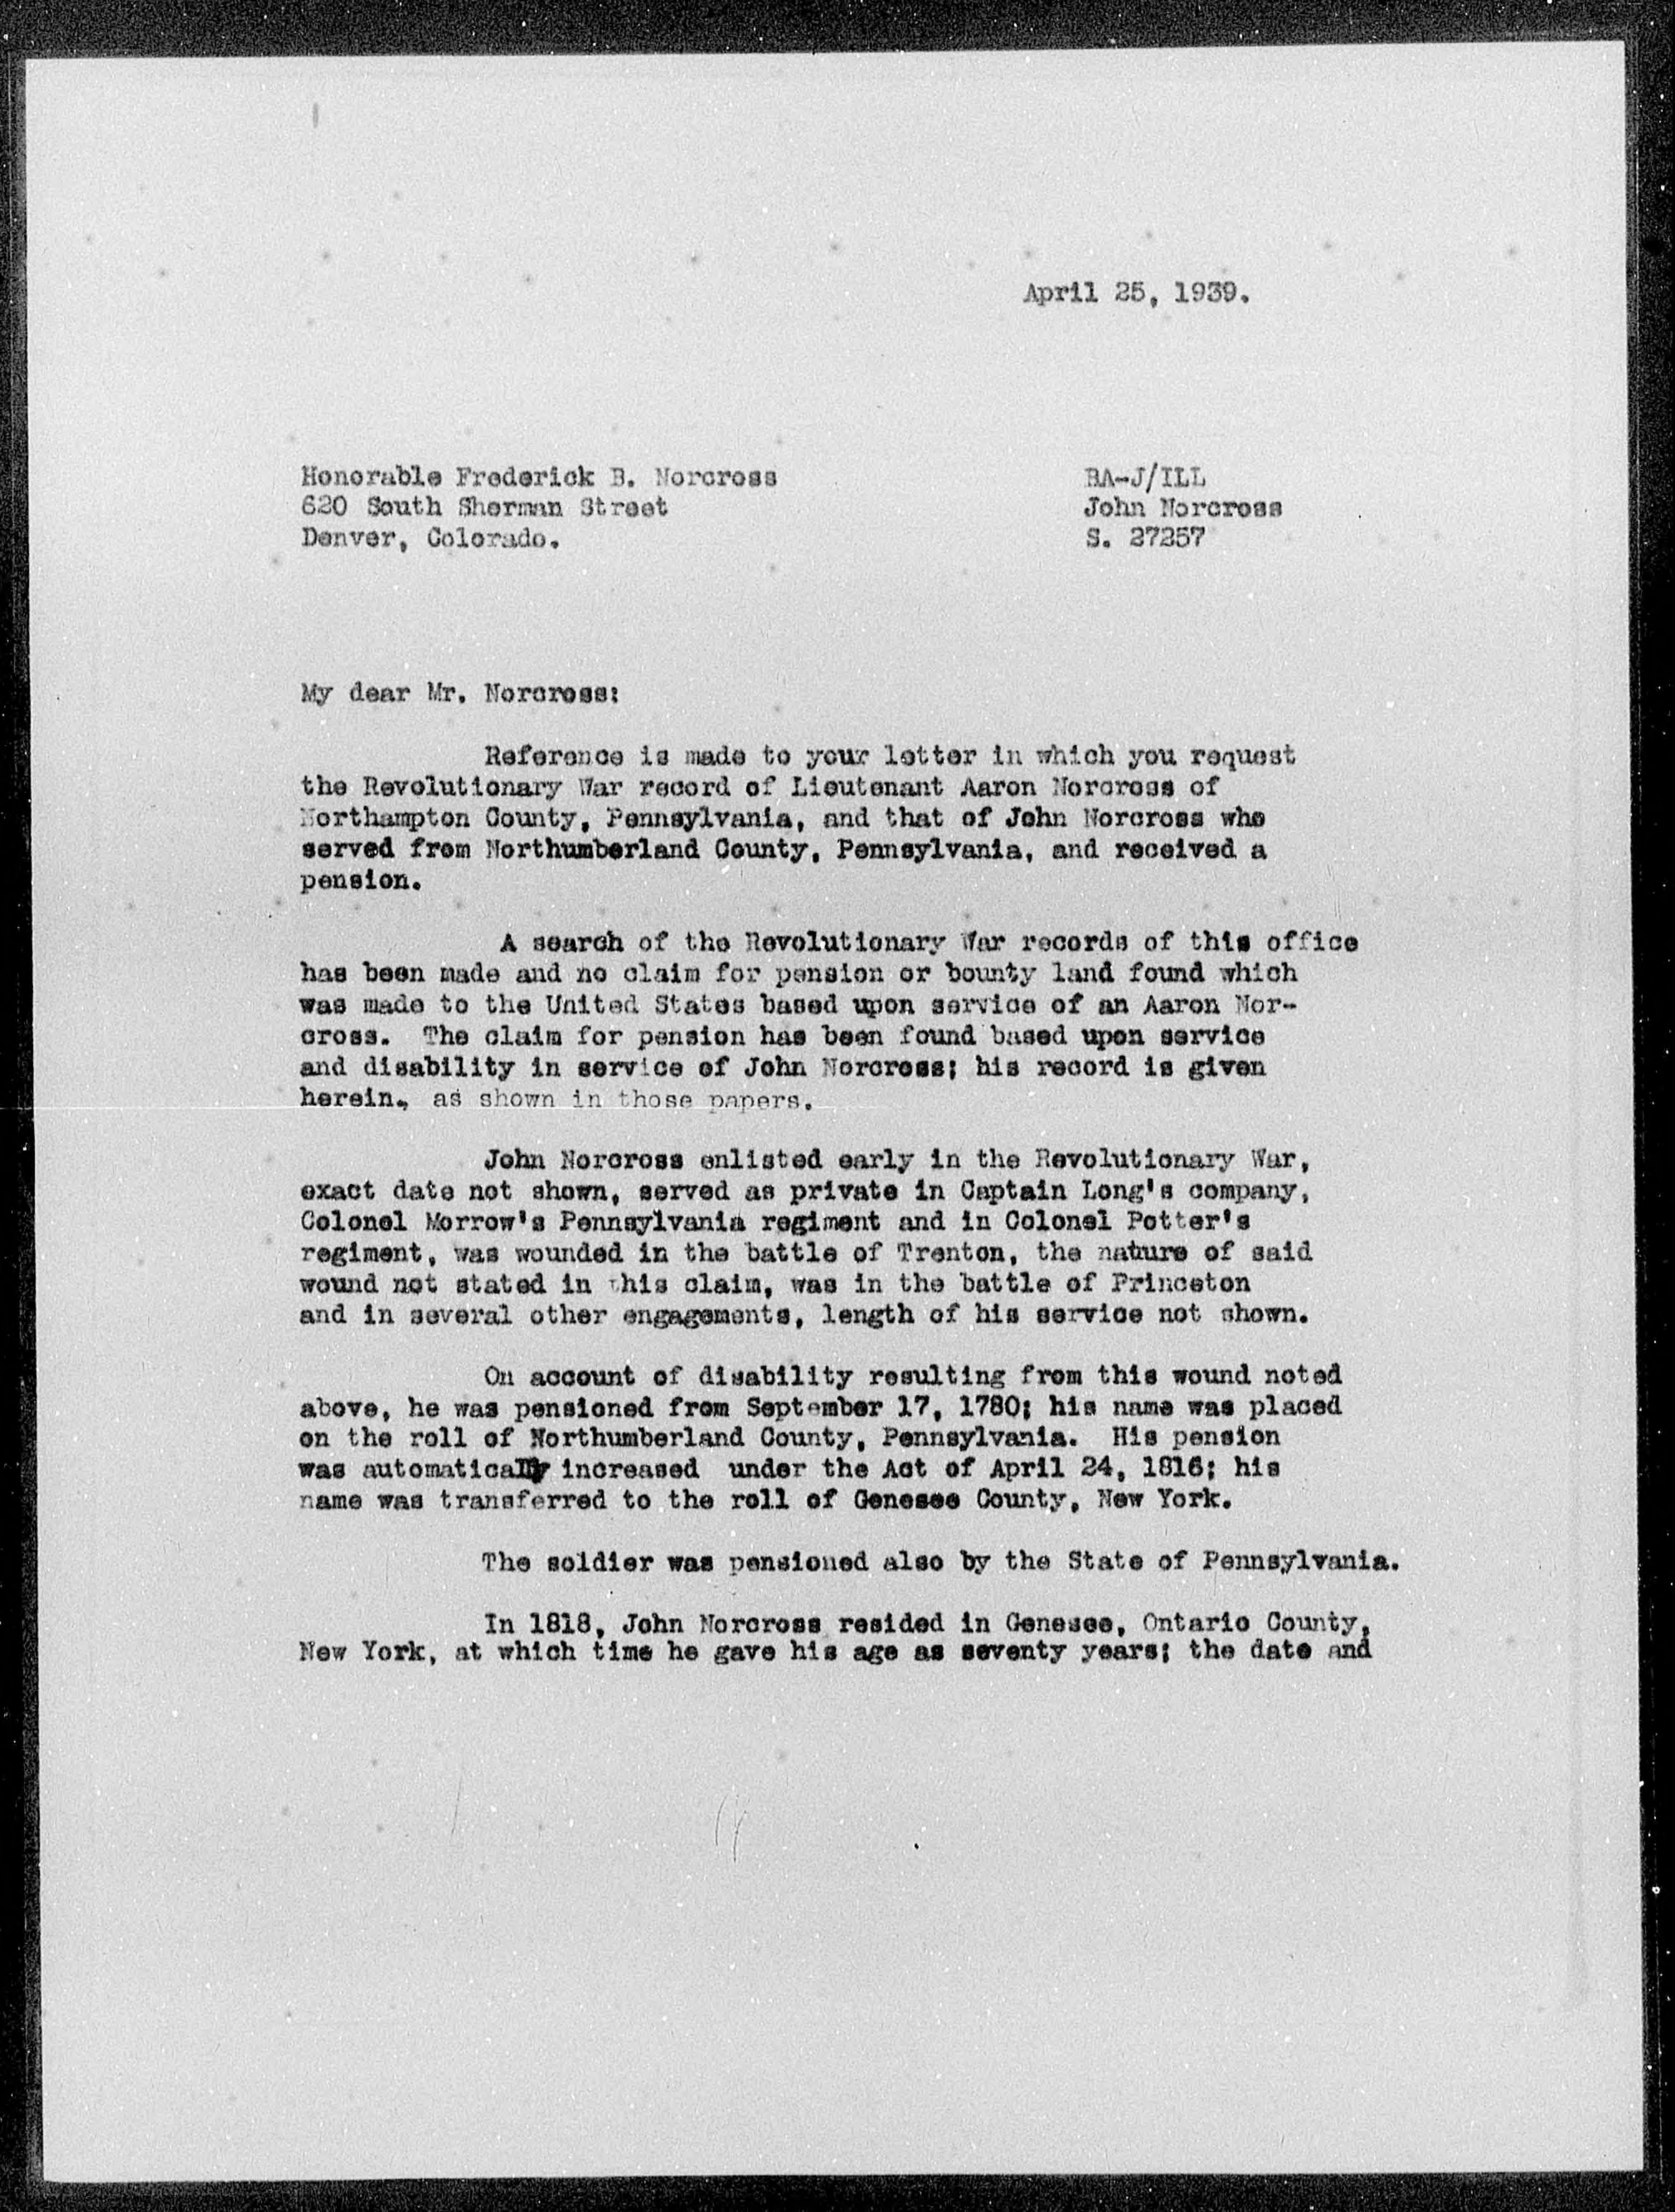April 25, 1939.

Honorable Frederick B. Norcross
620 South Sherman Street 
Denver, Colorado.

RA-J/ILL
John Norcross
S. 27257

My dear Mr. Norcross:

     Reference is made to your letter in which you request the Revolutionary War record of Lieutenant Aaron Norcross of Northampton County, Pennsylvania, and that of John  Norcross who served from Northumberland County, Pennsylvania, and received a pension.

     A search of the Revolutionary War records of this office has been made and no claim for pension or bounty land found which was made to the United States based upon service of an Aaron Norcross. The claim for pension has been found based upon service and disability in service of John Norcross; his record is given herein, as shown in those papers.

    John Norcross enlisted early in the Revolutionary War,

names: Aaron Norcross; Frederick B Norcross; John Norcross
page: 6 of 23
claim: survivor's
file: S. 27257, for John Norcross, Pennsylvania